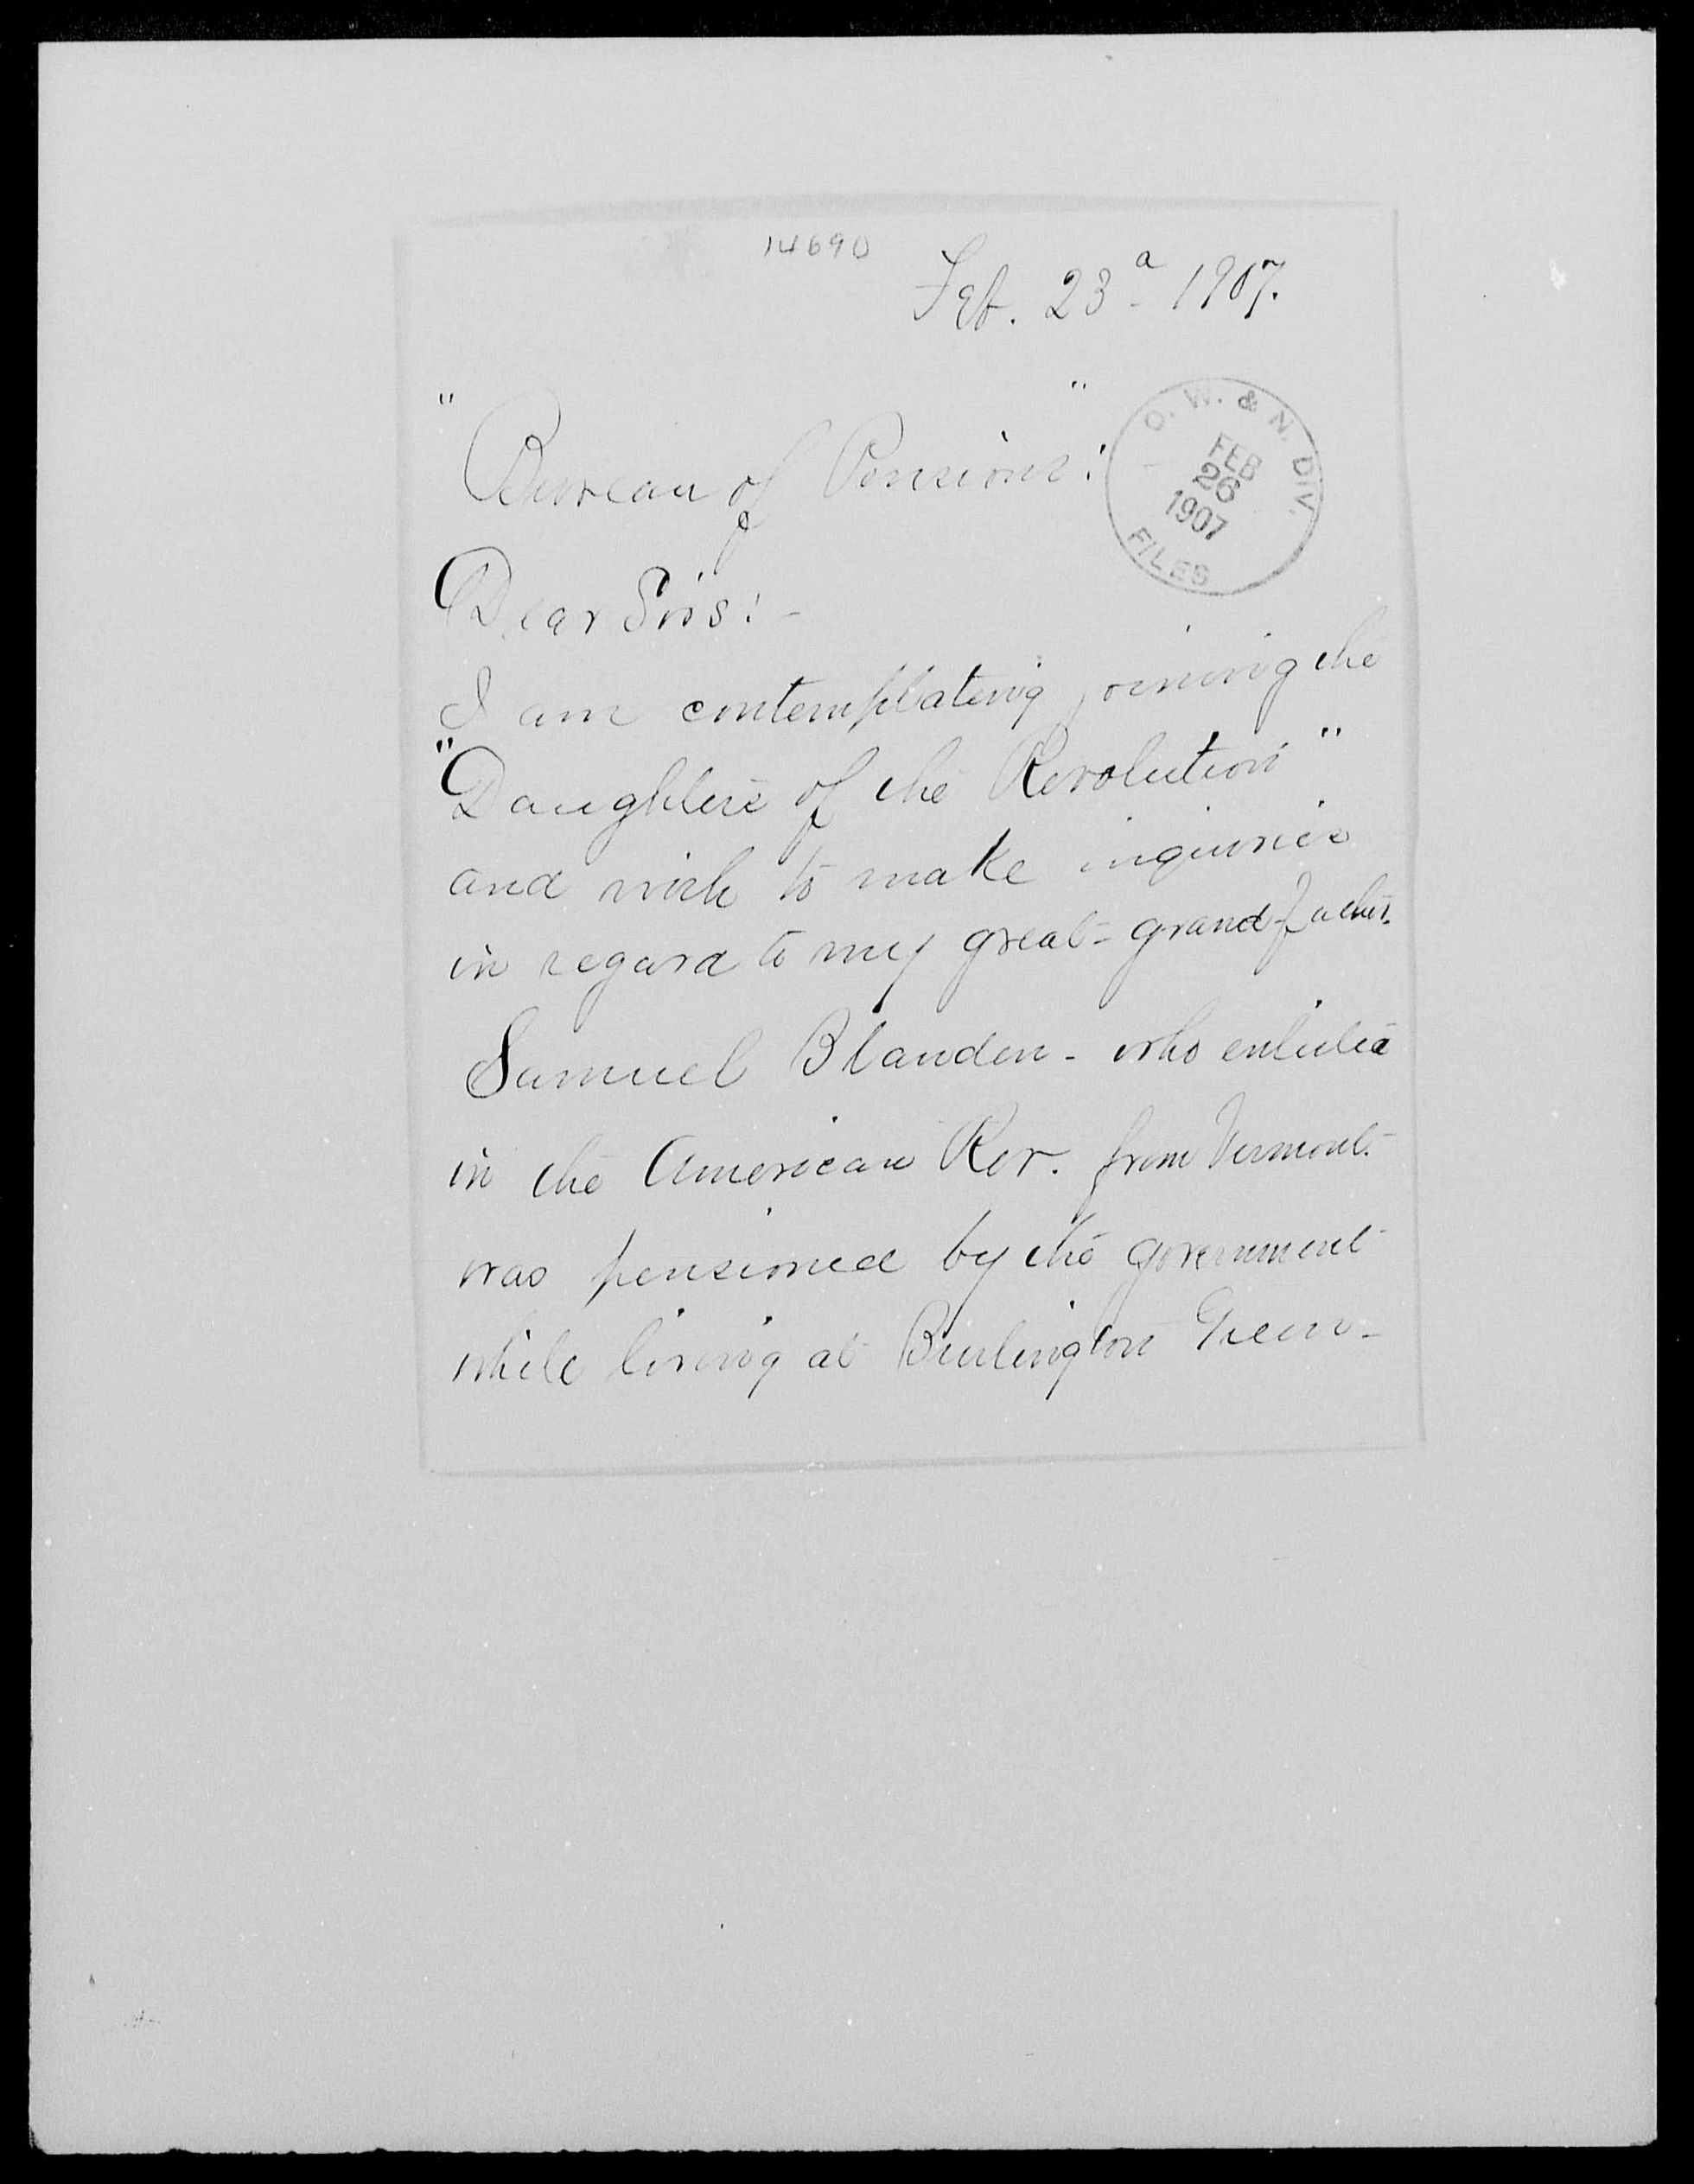STAMP-
O. W. & N. DIV. FILES
FEB 26 1907

14690

Feb. 23rd 1907

"Bureau of Pensions"

Dear Sirs:
I am contemplating joining the "Daughters of the Revolution" and wish to make inquiries in regard to my great-grandfather, Samuel Blanden who enlisted in the American Rev. from Vermont - was pensioned by the government while living in Burlington near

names: Samuel Blanden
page: 13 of 14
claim: survivor's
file: S. 10389, Samuel Blanden, Conn. Mass